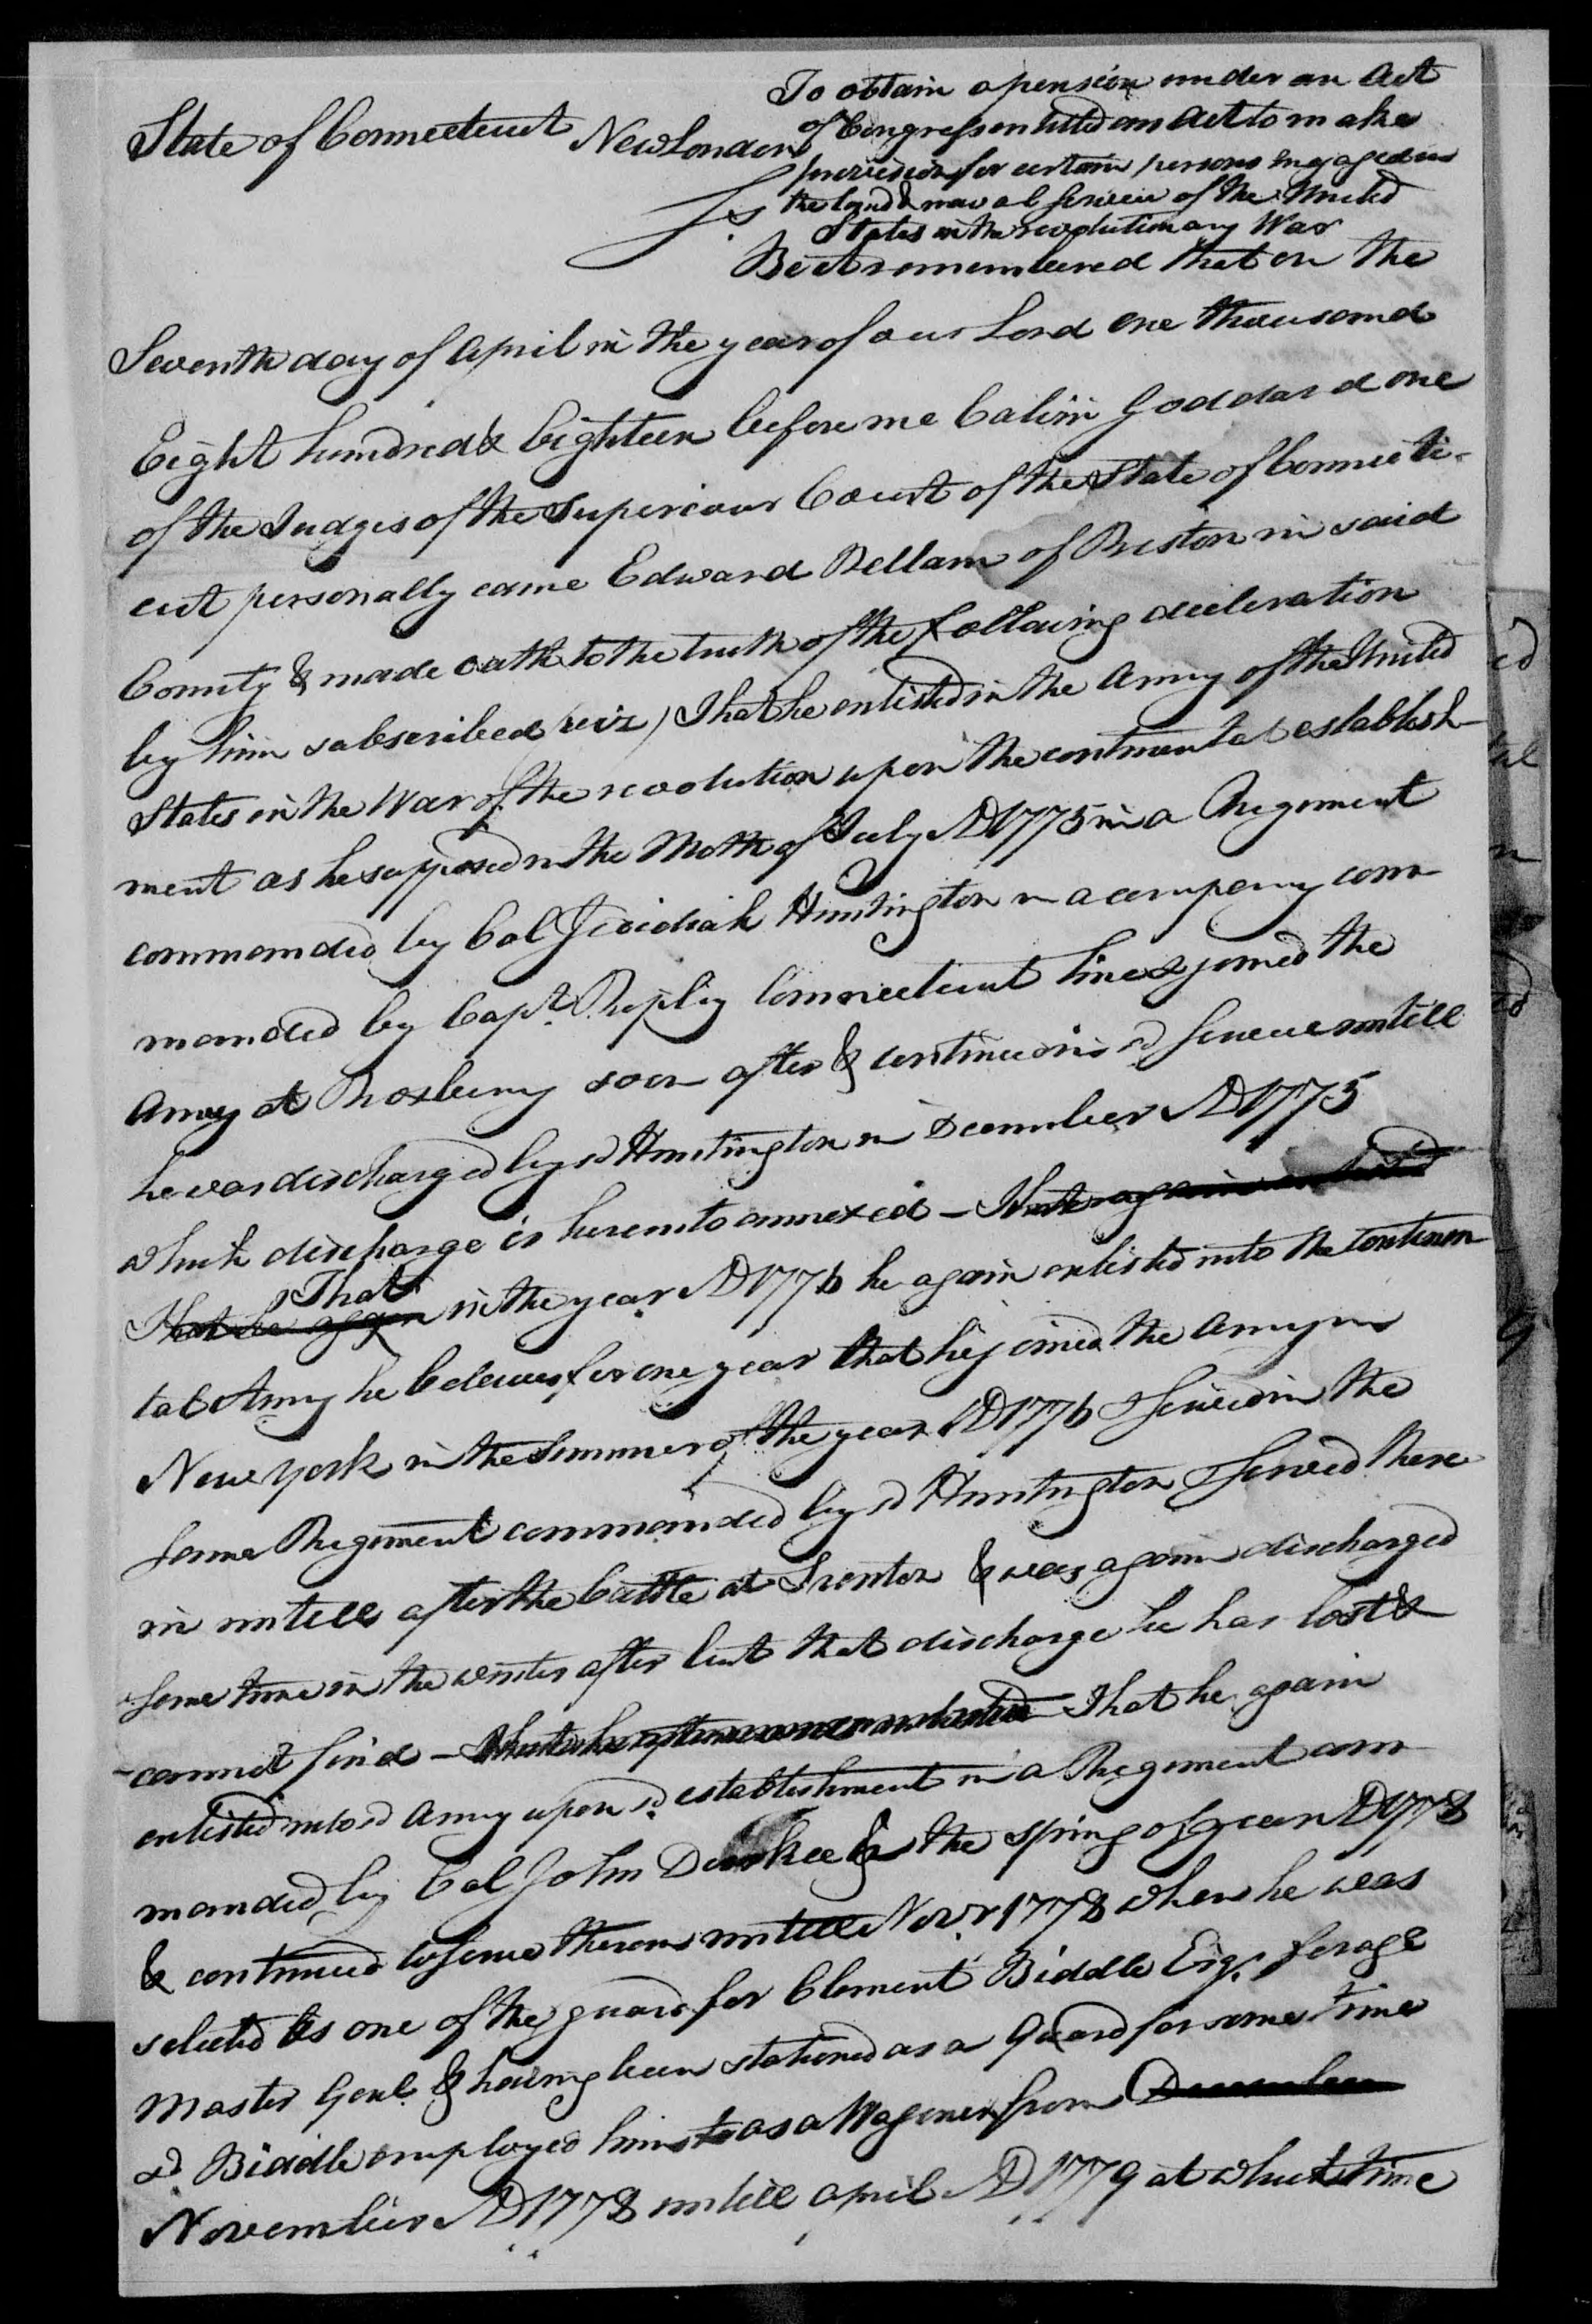State of Connecticut New London Ss
To obtain a pension under an Act of Congress entitled an Act to make provision for certain persons engaged in the land & naval service of the United States in the revolutionary War
Be it remembered that on the Seventh day of April in the year of our Lord one thousand Eight hundred & Eighteen before me Calvin Goddard one of the Judges of the Superior Court of the State of Connecticut personally came Edward Pellom of Preston in said County & made oath to the truth of the following declaration by him subscribed (viz) That he enlisted in the Army of the United States in the War of the revolution upon the continental establishment as he supposed in the Month of July AD 1775 in a Regiment commanded by Col Jedidiah Huntington  in a company commanded by Capt. Ripley Connecticut Line & joined the Army at Roxbury soon after & continued in sd Service untill he was discharged by sd Huntington in December AD 1775 which discharge is hereunto annexed - That in the year AD 1776 he again enlisted into the Continental Army he believes for one year that he joined the Army in New York in the summer of the year AD 1776 & joined the same Regiment commanded by sd Huntington & served therein untill after the battle at Trenton & was again discharged sometime in the winter after but that discharge he has lost & cannot find - That he again enlisted into sd Army upon sd establishment in a Regiment commanded by Col John Durkee in the spring of year AD 1778 & continued service therein untill Novr 1778 when he was selected as one of the guard for Clement Biddle Esq Forage Master Genl & having been stationed as a guard for some time sd Biddle employed him as a [illegible] from November AD 1778 untill April AD 1779 at which time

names: Clement Biddle; [BLANK] Huntington; Calvin Goddard; Edward Pellom; John Durkee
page: 6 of 8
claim: survivor's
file: S. 36216, for Edward Pellom, Connecticut